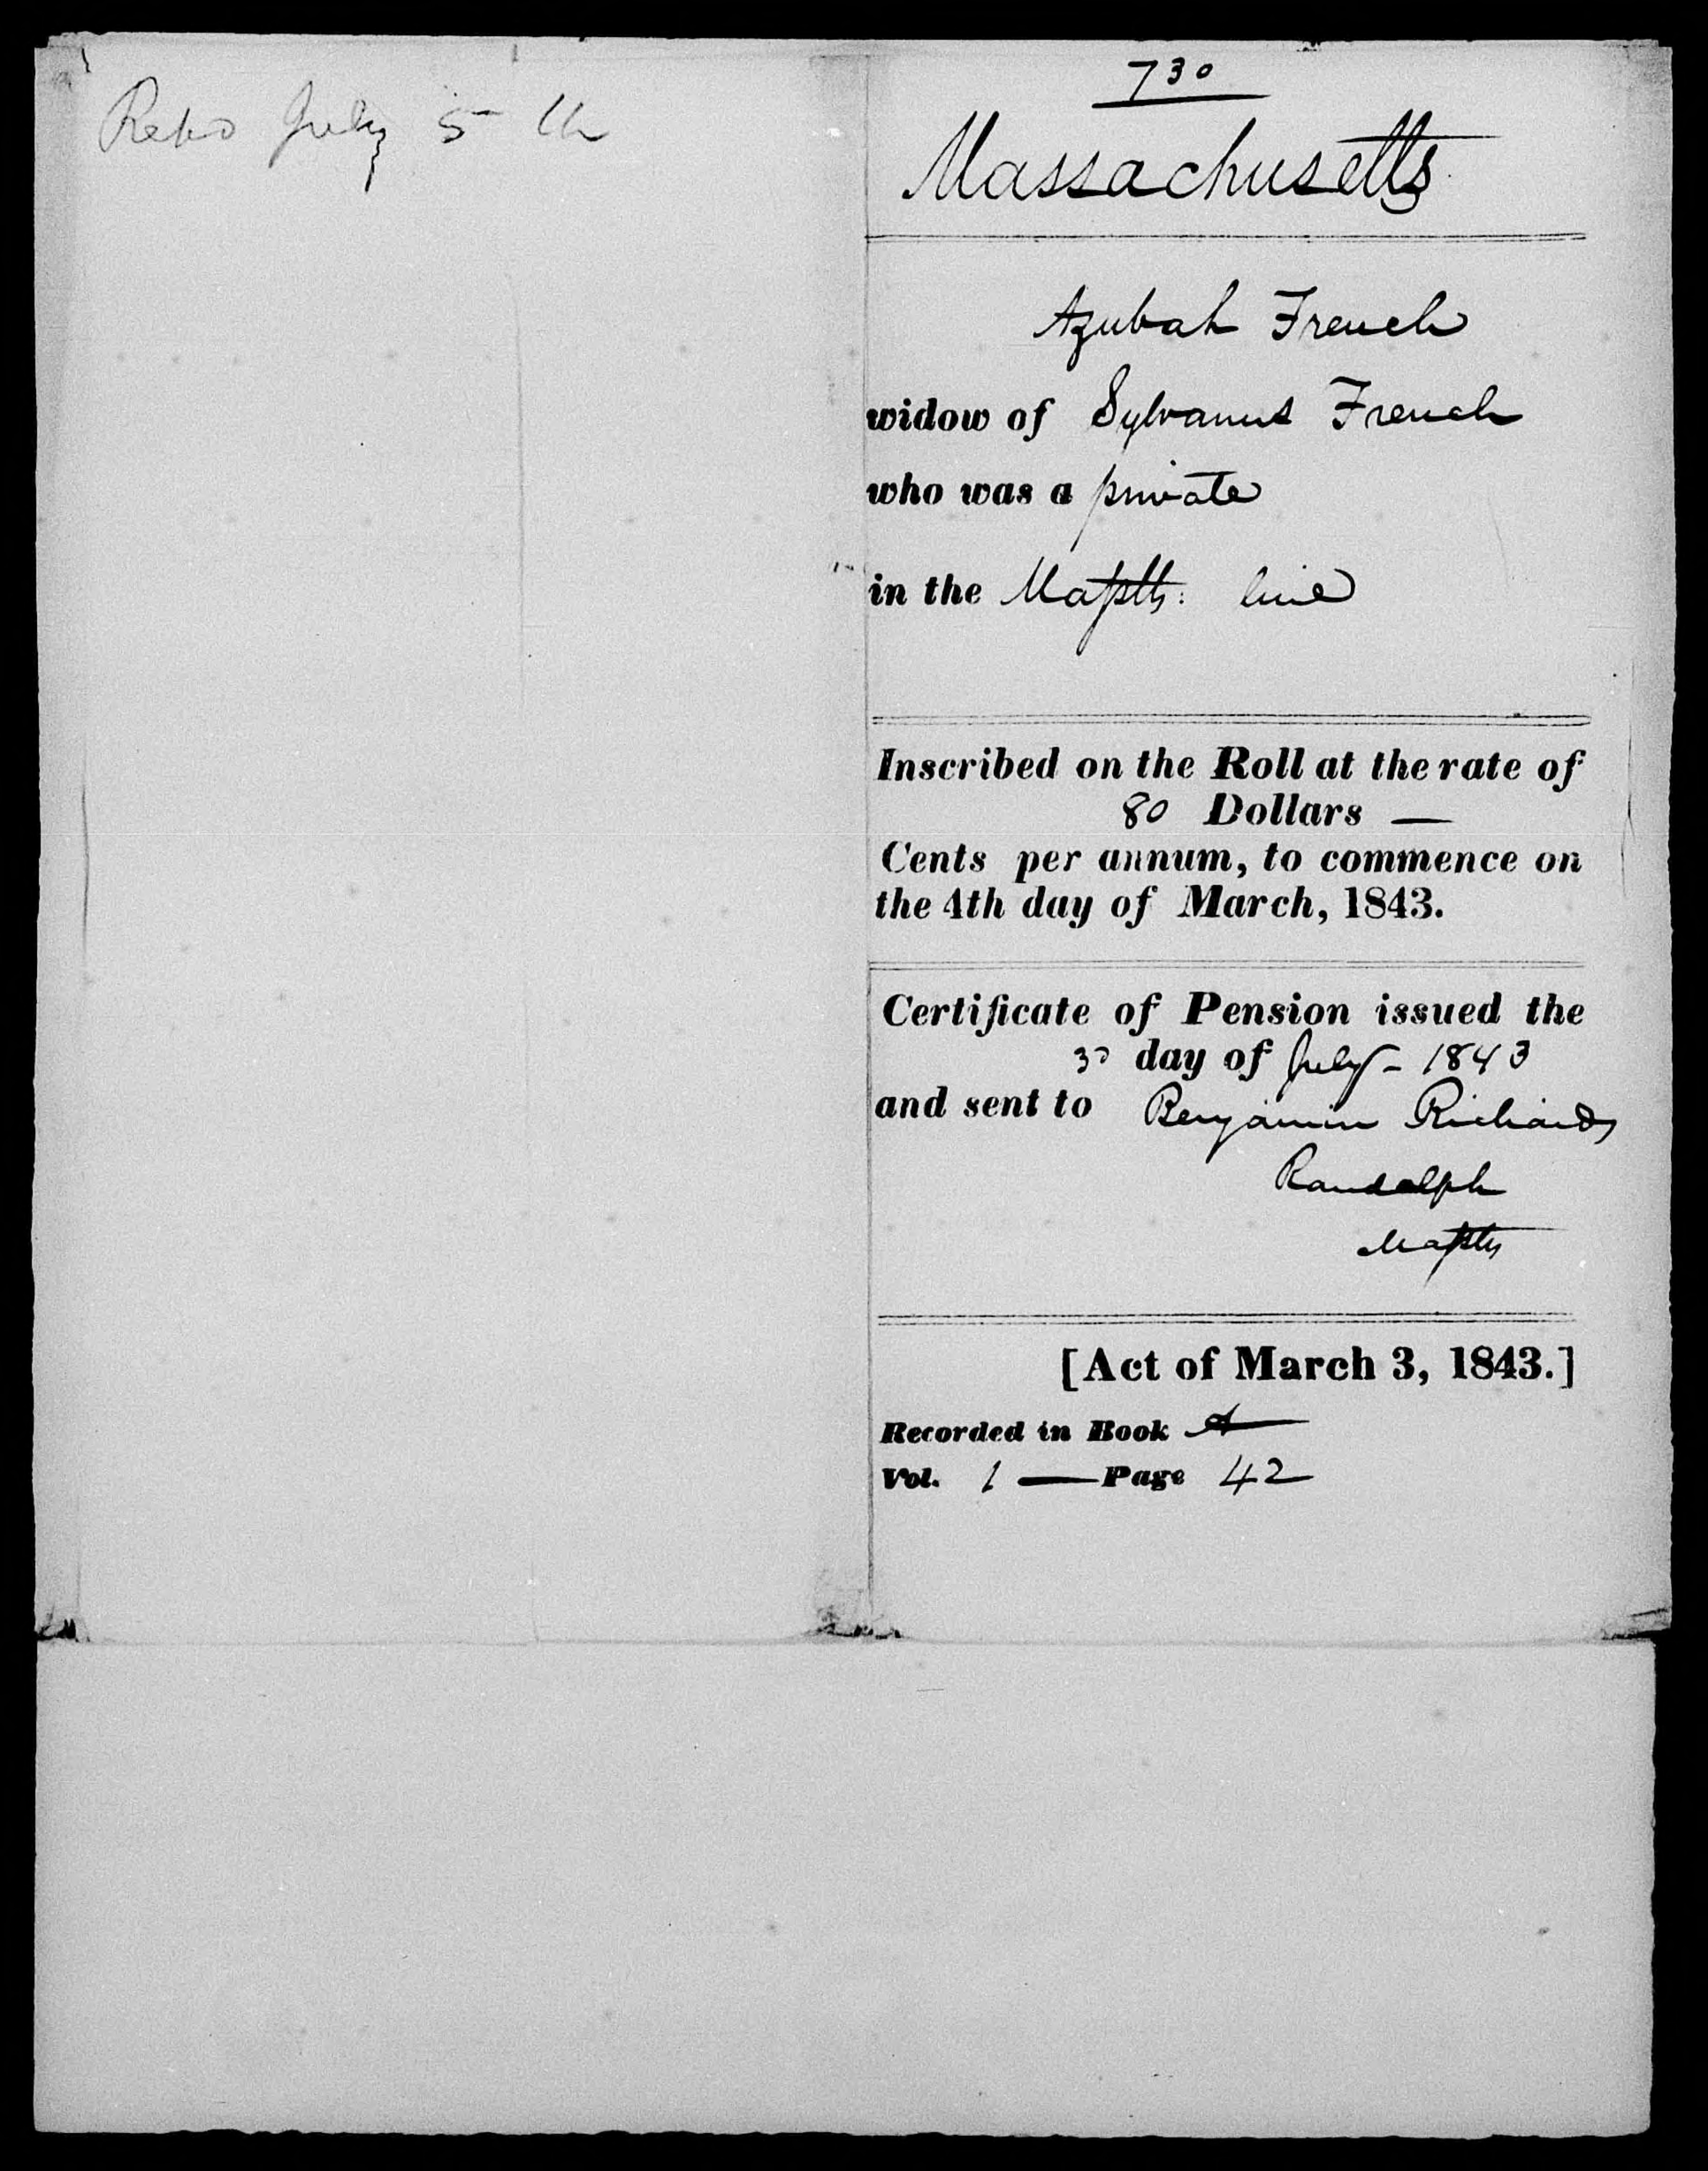Rebd July 5th 

730 
Massachusetts 
Azubah French widow of Sylvanus French who was a private in the Mass line 

Inscribed on the Roll at the rate of 80 Dollars Cents per annum, to commence on the 4th day of March, 1843. 

Certificate of Pension issued the 3d day of July 1843 and sent to Benjamin Richards Randolph Mass

{ Act of March 3, 1843.} 
Recorded in Book A Vol. 1 - Page 42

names: Azubah French, Benjamin Richards, Sylvanus French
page: 25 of 38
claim: widow's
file: W. 24,235, Silvanus French, Mass.